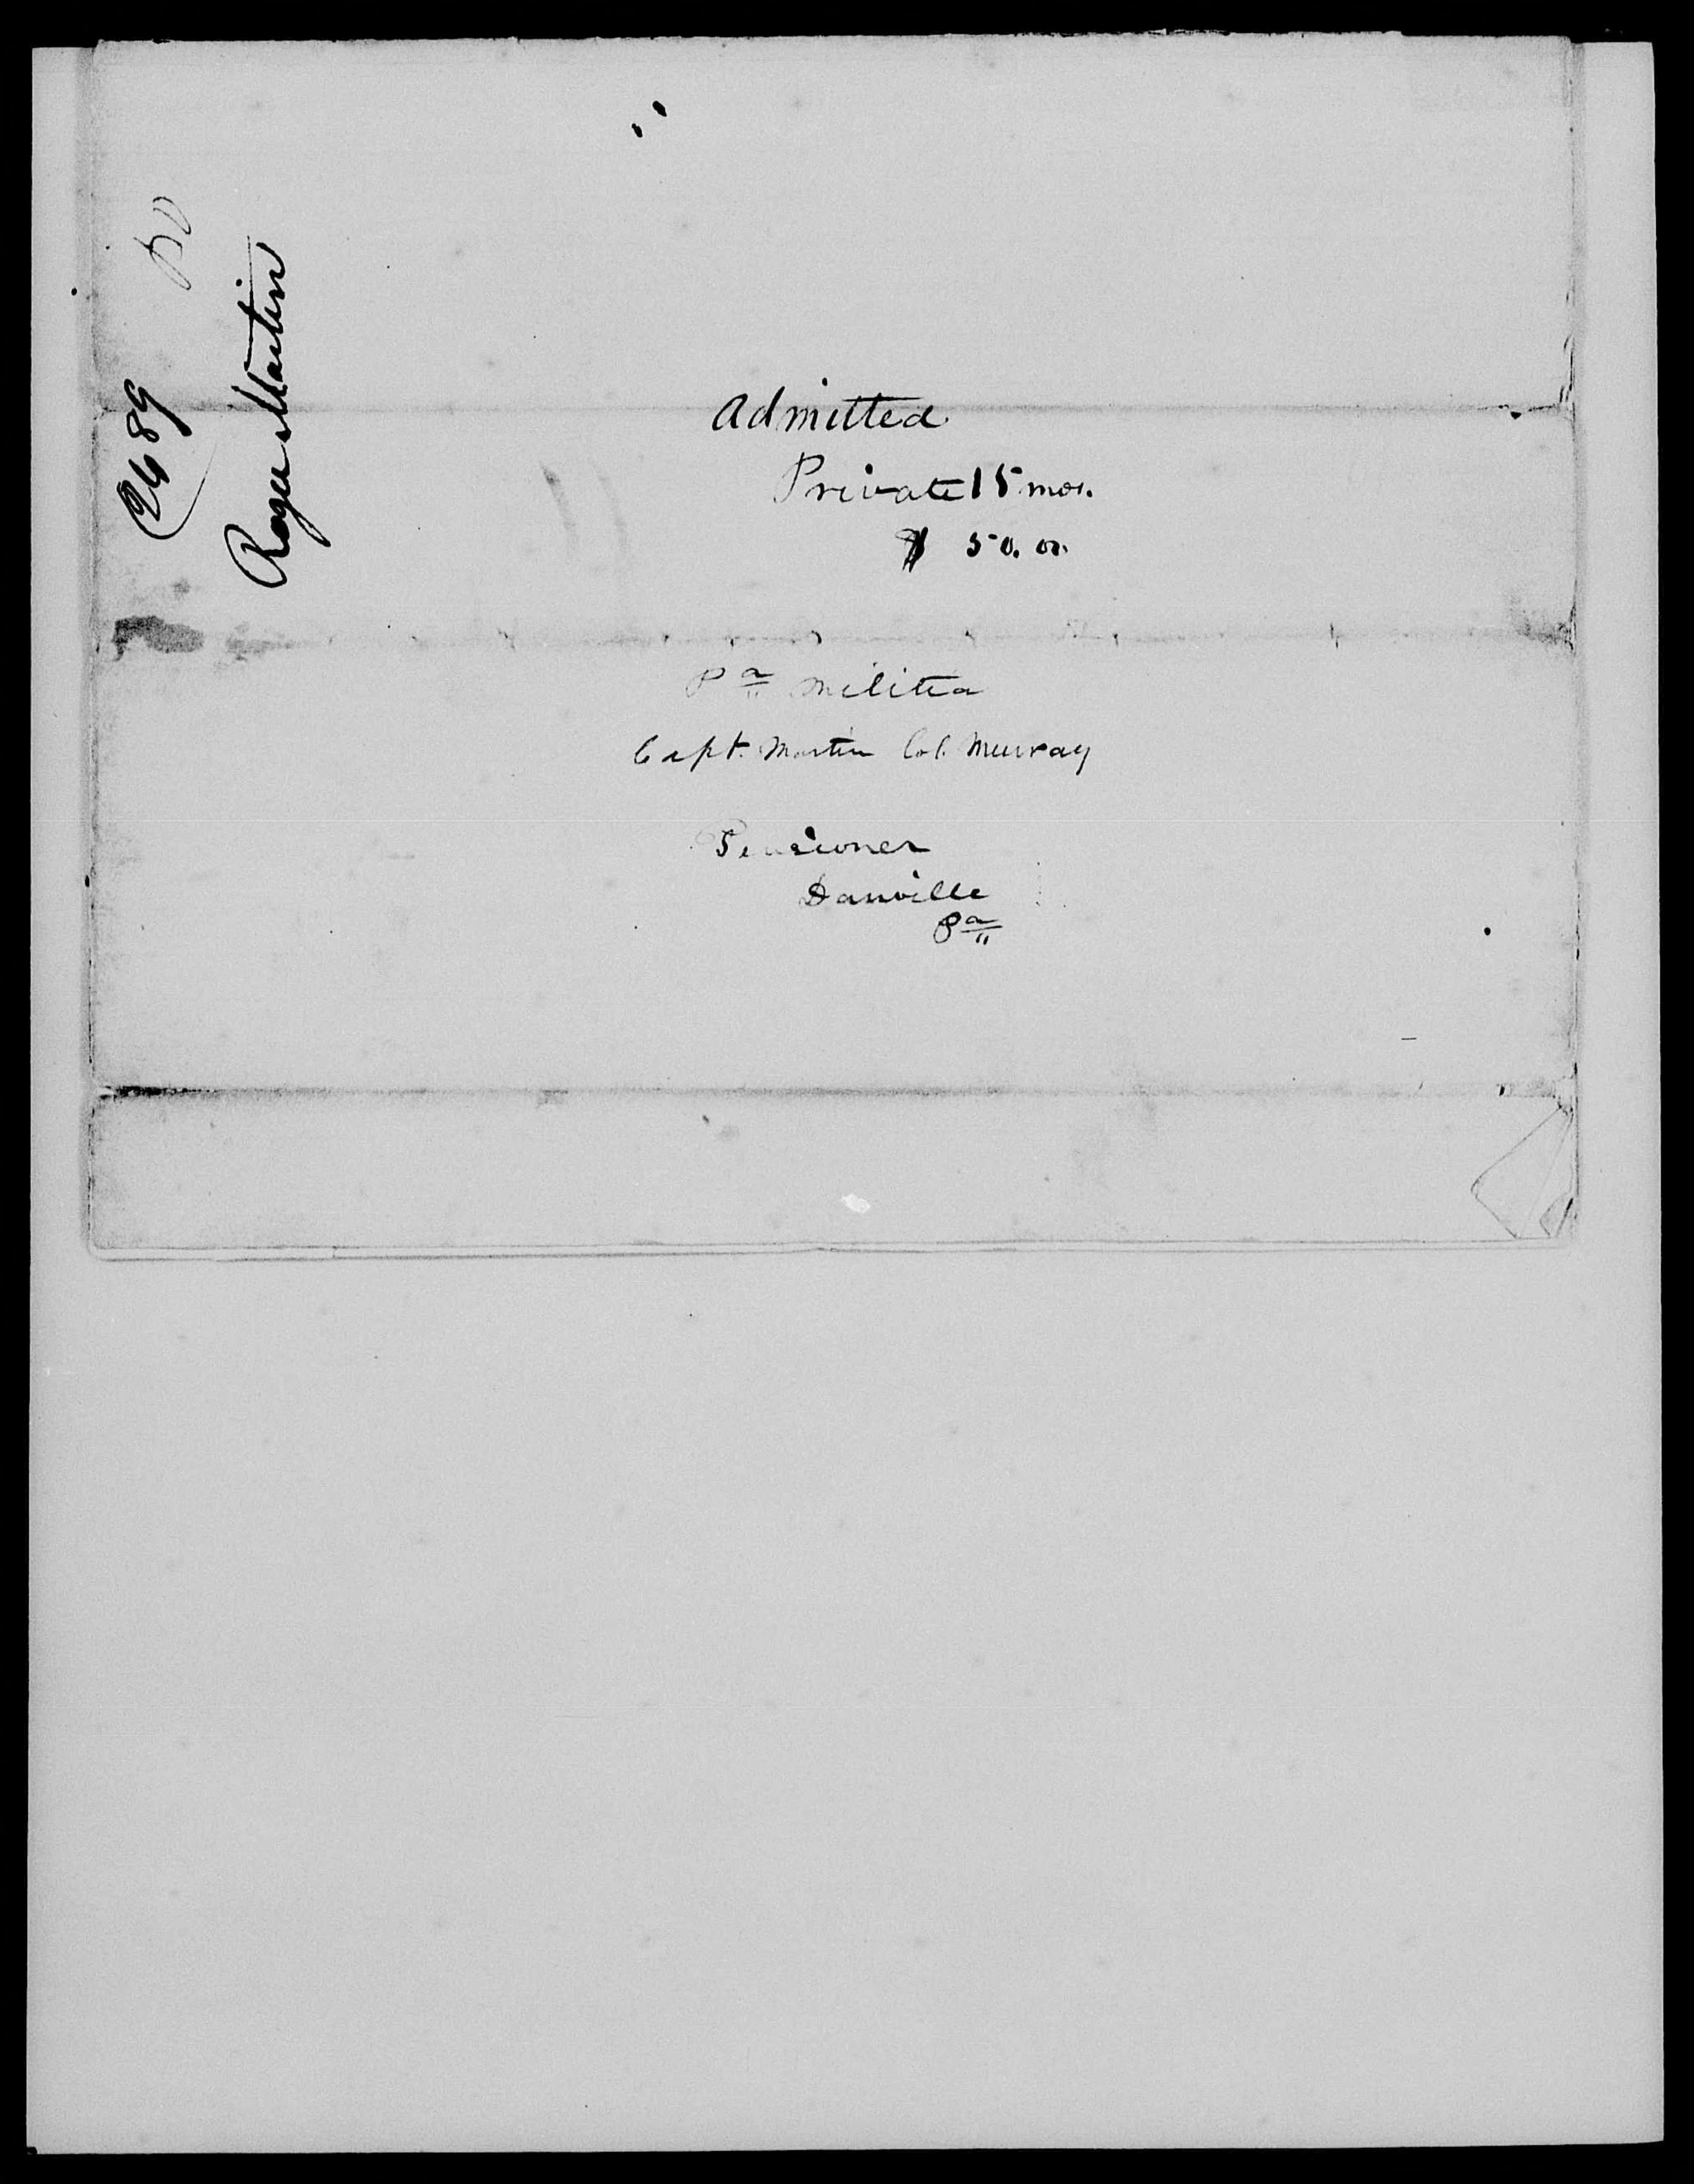2689
Roger Martin

Admitted Private 15 mos.
$ 50.00

Pa. Militia

Capt Martin Col. Murray

Pensioner
Danville, Pa.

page: 9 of 12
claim: survivor's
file: S. 2733, for Roger Martin, Pennsylvania